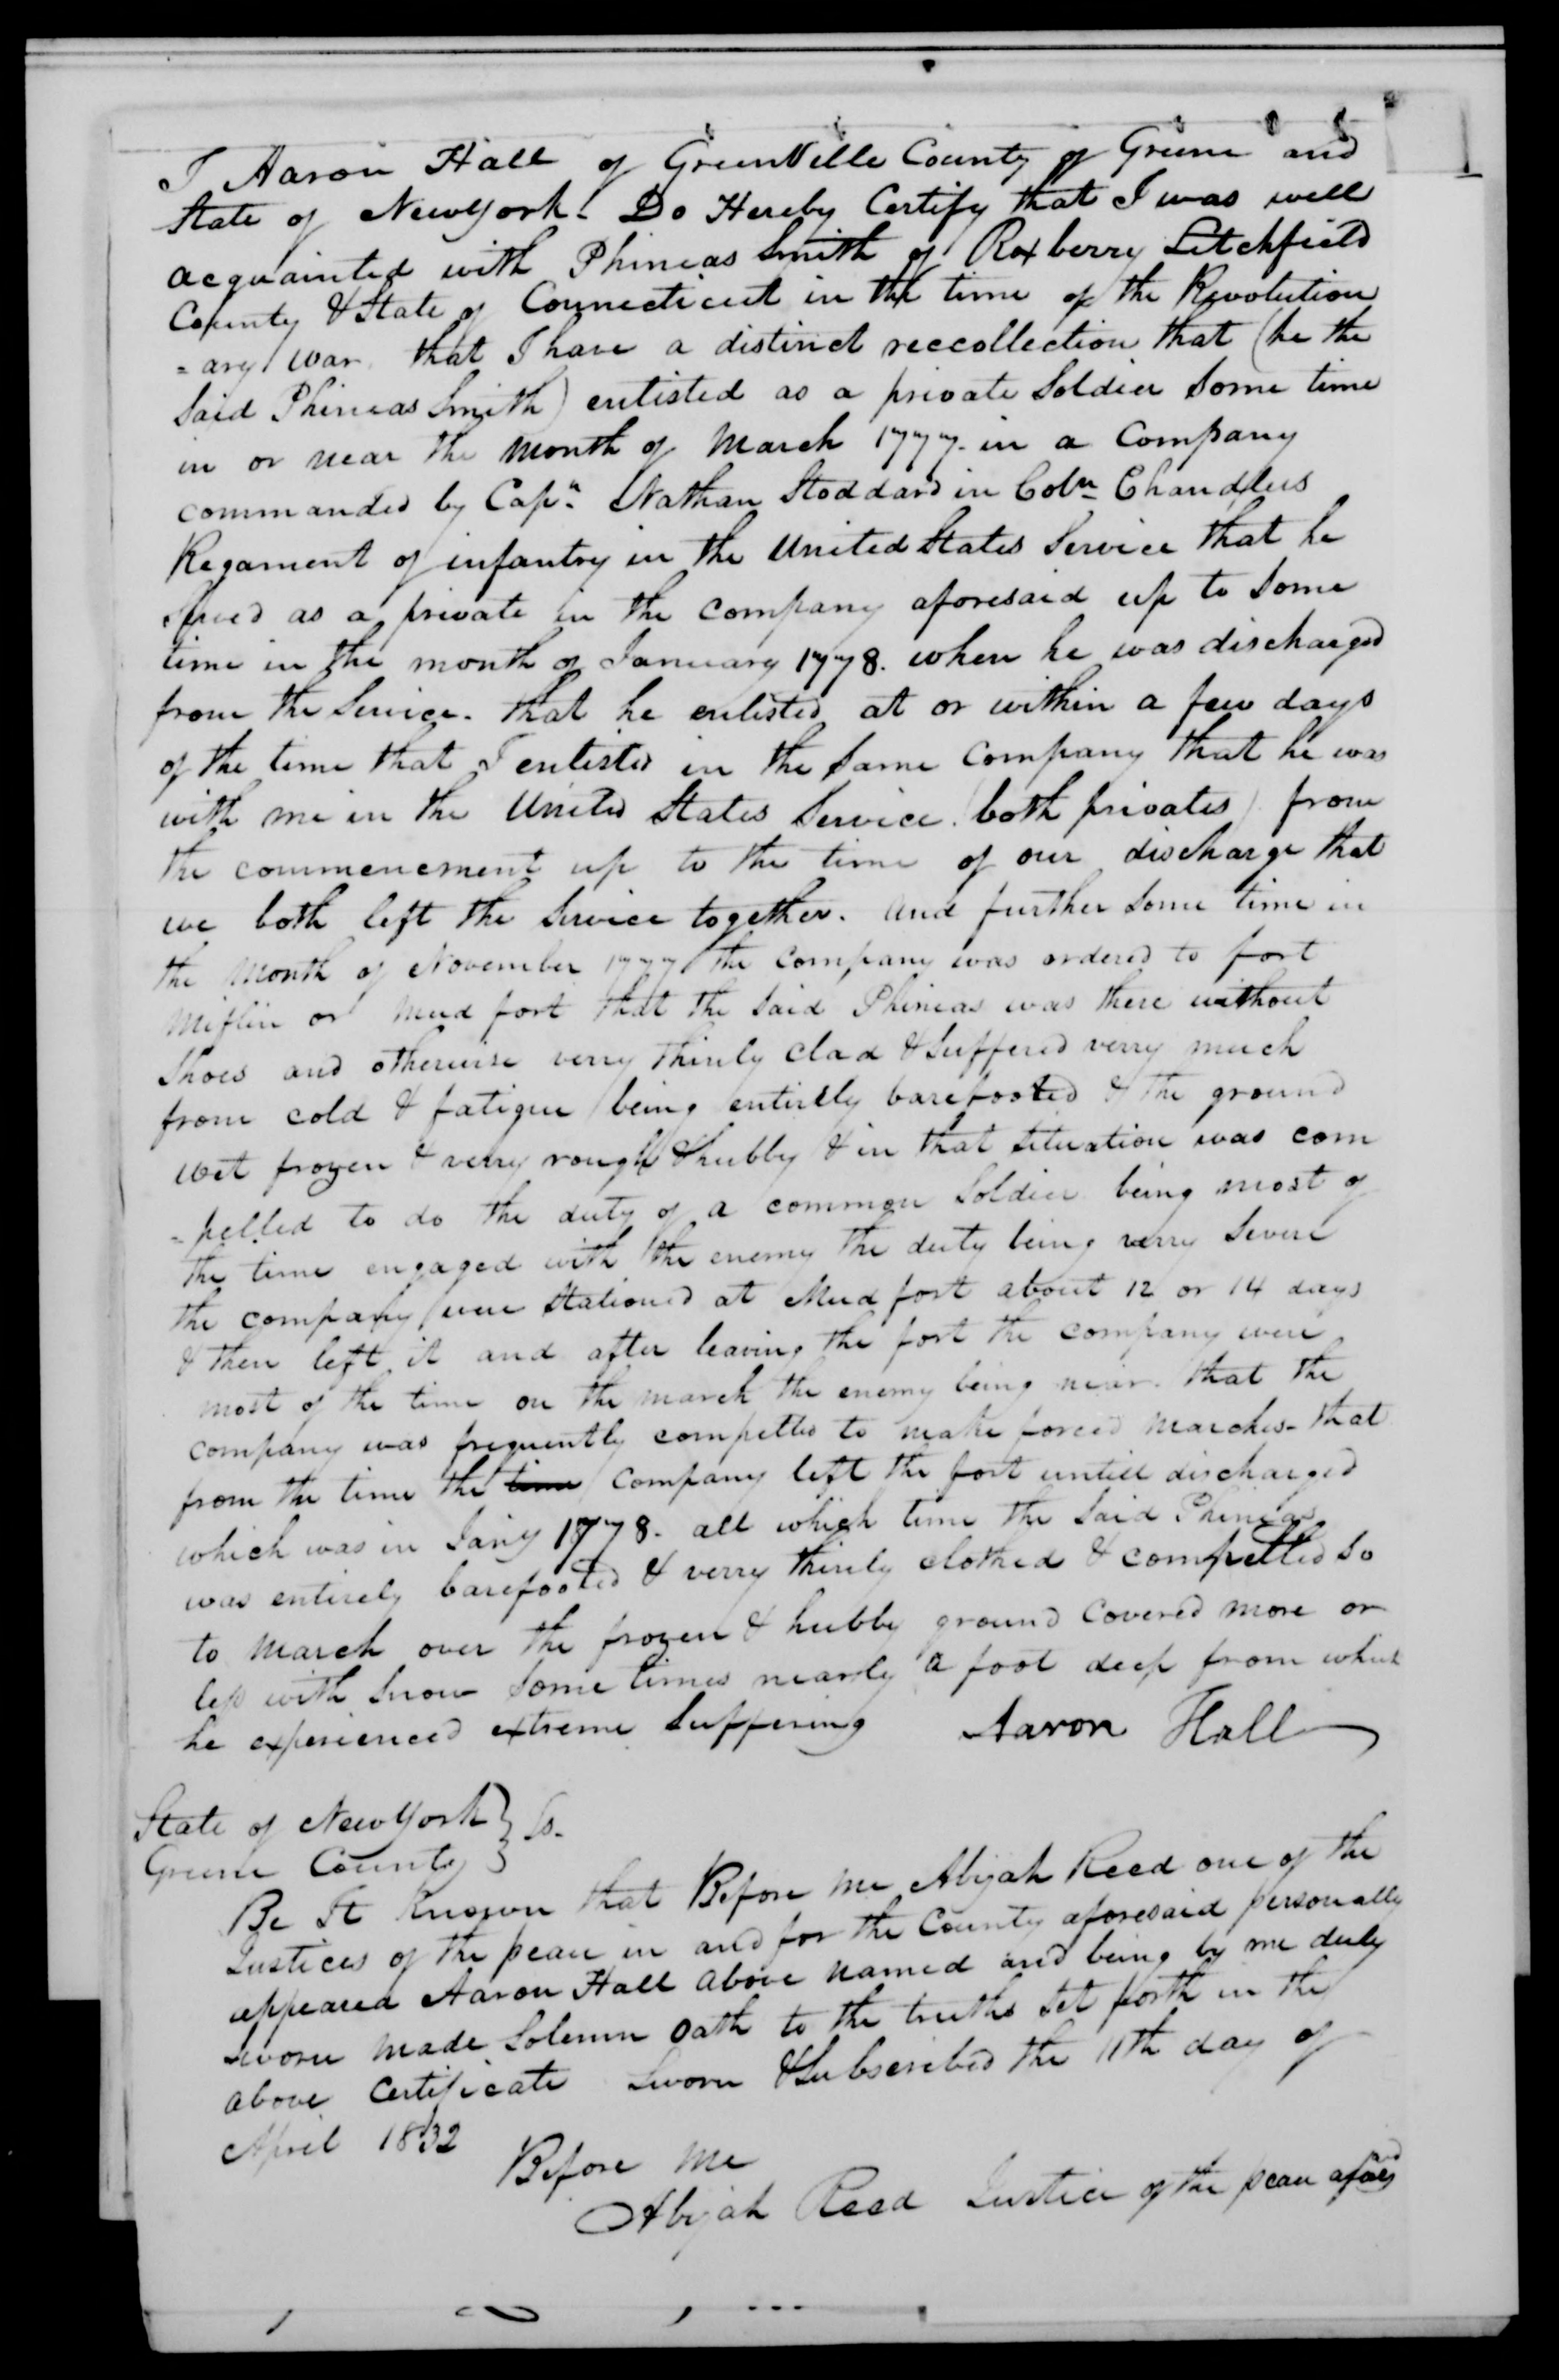I Aaron Hall of Greenville County of Greene and State of New York Do Hereby Certify that I was well acquainted with Phineas Smith of Roxberry Litchfield County & State of Connecticut in the time of the Revolutionary War, that I have a distinct recollection that he the Said Phineas Smith enlisted as a private Soldier some time in or near the month of March 1777 in a Company commanded by Capt Nathan Stoddard in Col Chandlers Regiment of infantry in the United States Service that he served as a private in the company aforesaid up to some time in the month of January 1778 when he was discharged from the Service. That he enlisted at or within a few days of the time that I enlisted in the same company that he was with me in the United States Service both privates from the commencement up to the time of our discharge that we both left the service together. And further some time in the month of November 1777 the company was ordered to Fort Mifflin or Mud Fort that the said Phineas was there without Shoes and otherwise very thinly clad & suffered verry much from cold & fatigue being entirely barefooted & the ground was frozen & very rough hubby & in that situation was compelled to do the duty of a common soldier being most of the time engaged with the enemy the duty being very severe, the company was stationed at Mud Fort about 12 or 14 days & then left it and after leaving the fort the company were most of the time on the march,  the enemy being near.  That the company was frequently compelled to make forced marches, that from the time the company left the fort untill discharged which was in Jany 1778, all which time the said Phineas was entirely barefooted & very thinly clothed & compelled so to March over the frozen & hubby ground covered more or less with snow, some times nearly a foot deep from which he experienced extreme suffering.  
Aaron Hall 
State of New York 
Greene County } ss Be it known that before me Abijah Reed one of the Justices of the peace in and for the County aforesaid personally appeared Aaron Hall above named and being by me duly Sworn made solemn oath to the truths set forth in the above certificate.   
Sworn & subscribed the 11th day of April 1832 Before me
Abijah Reed Justice of the Peace aforesaid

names: Aaron Hall; Aaron Hall; Phineas [BLANK]; Nathan Stoddard; Aaron Hall; Abijah Reed; Phineas [BLANK]; Abijah Reed; Phineas Smith; Phineas Smith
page: 47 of 55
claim: widow's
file: W. 11480, for Phinehas Smith, Connecticut